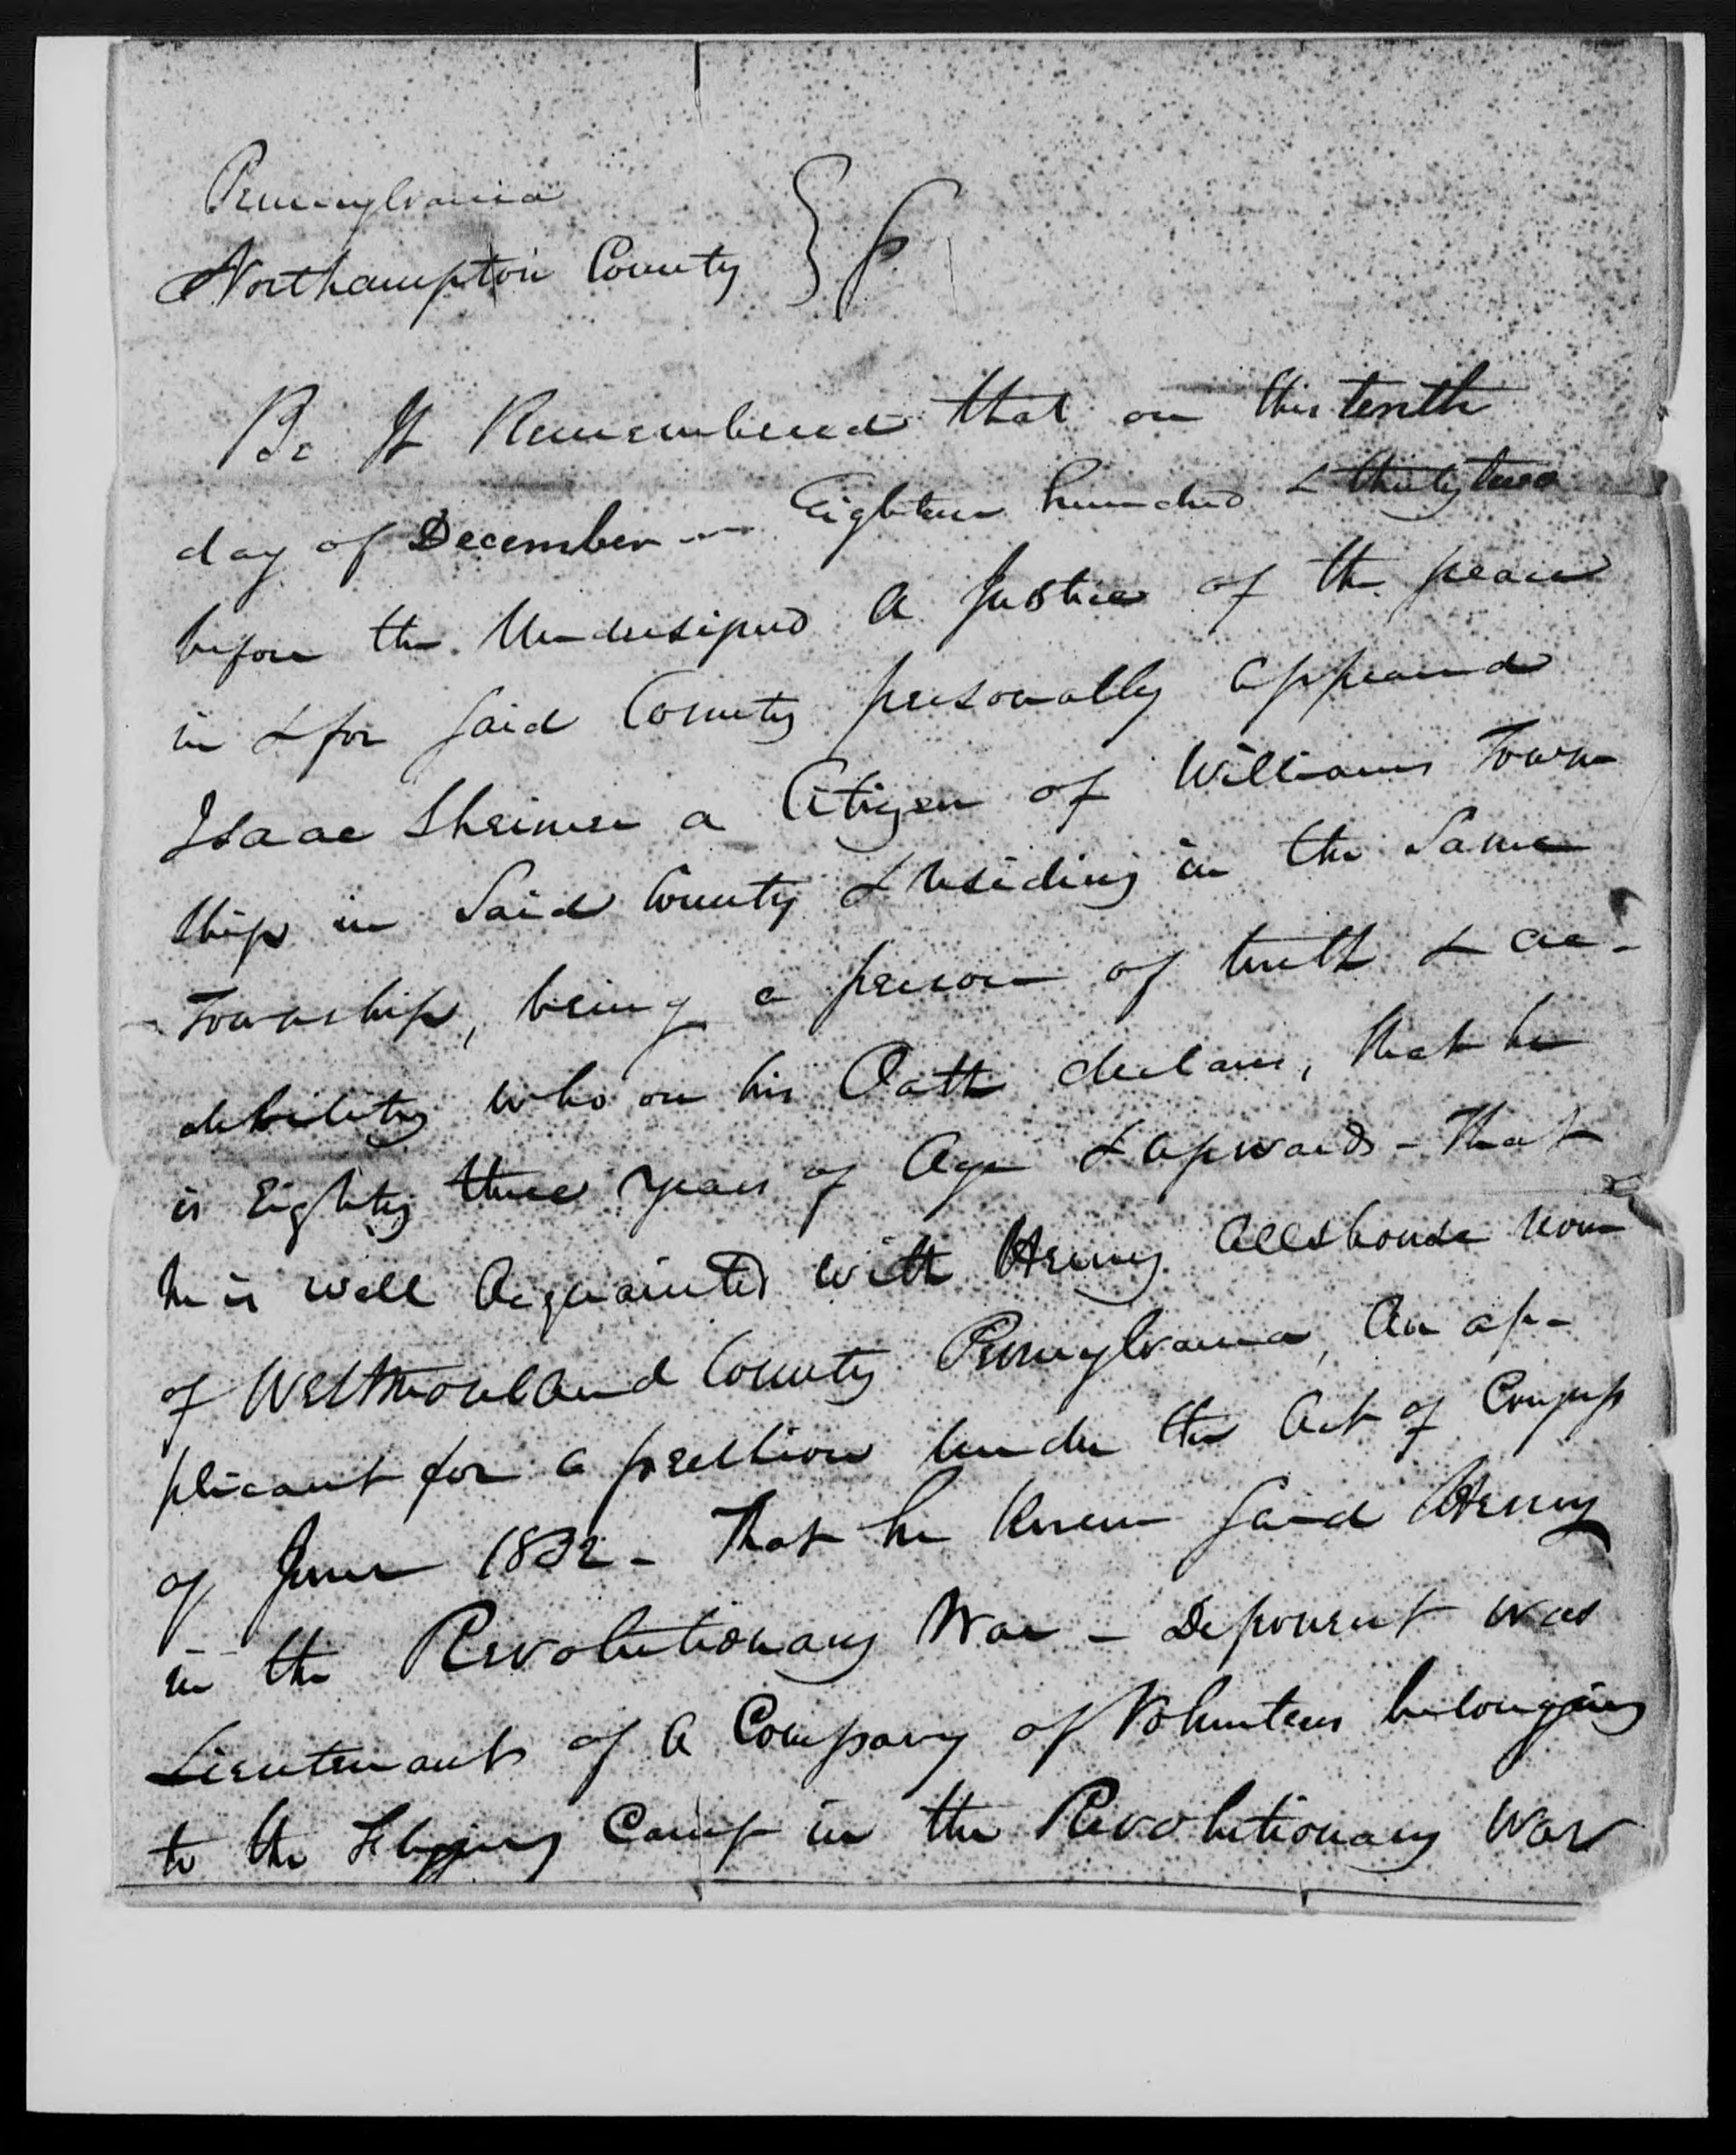Pennsylvania
Northampton County }ss

Be it Remembered that on this tenth day of December -Eighteen hundred & thirty two before the undersigned A Justice of the peace in & for said County personally appeared Isaac Sheiwer a Citizen of Williams Township in Said County & residing in the Same Township, being a person of truth & credibility who on his Oath declares that he is eighty three years of Age & upward- That he is well acquainted with Henry Allshouse name of Westmoreland County Pennsylvania, An applicant for a pension under the Act of Congress of June 1832- that he knew said Henry in the Revolutionary War-Deponent was Lieutenant of a Company of Volunteers belonging to the Flying Camp in the Revolutionary War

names: Henry Allshouse, Isaac Sheiwer, Henry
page: 13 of 24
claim: survivor's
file: S. 2032, Henry Allshouse, Penn.